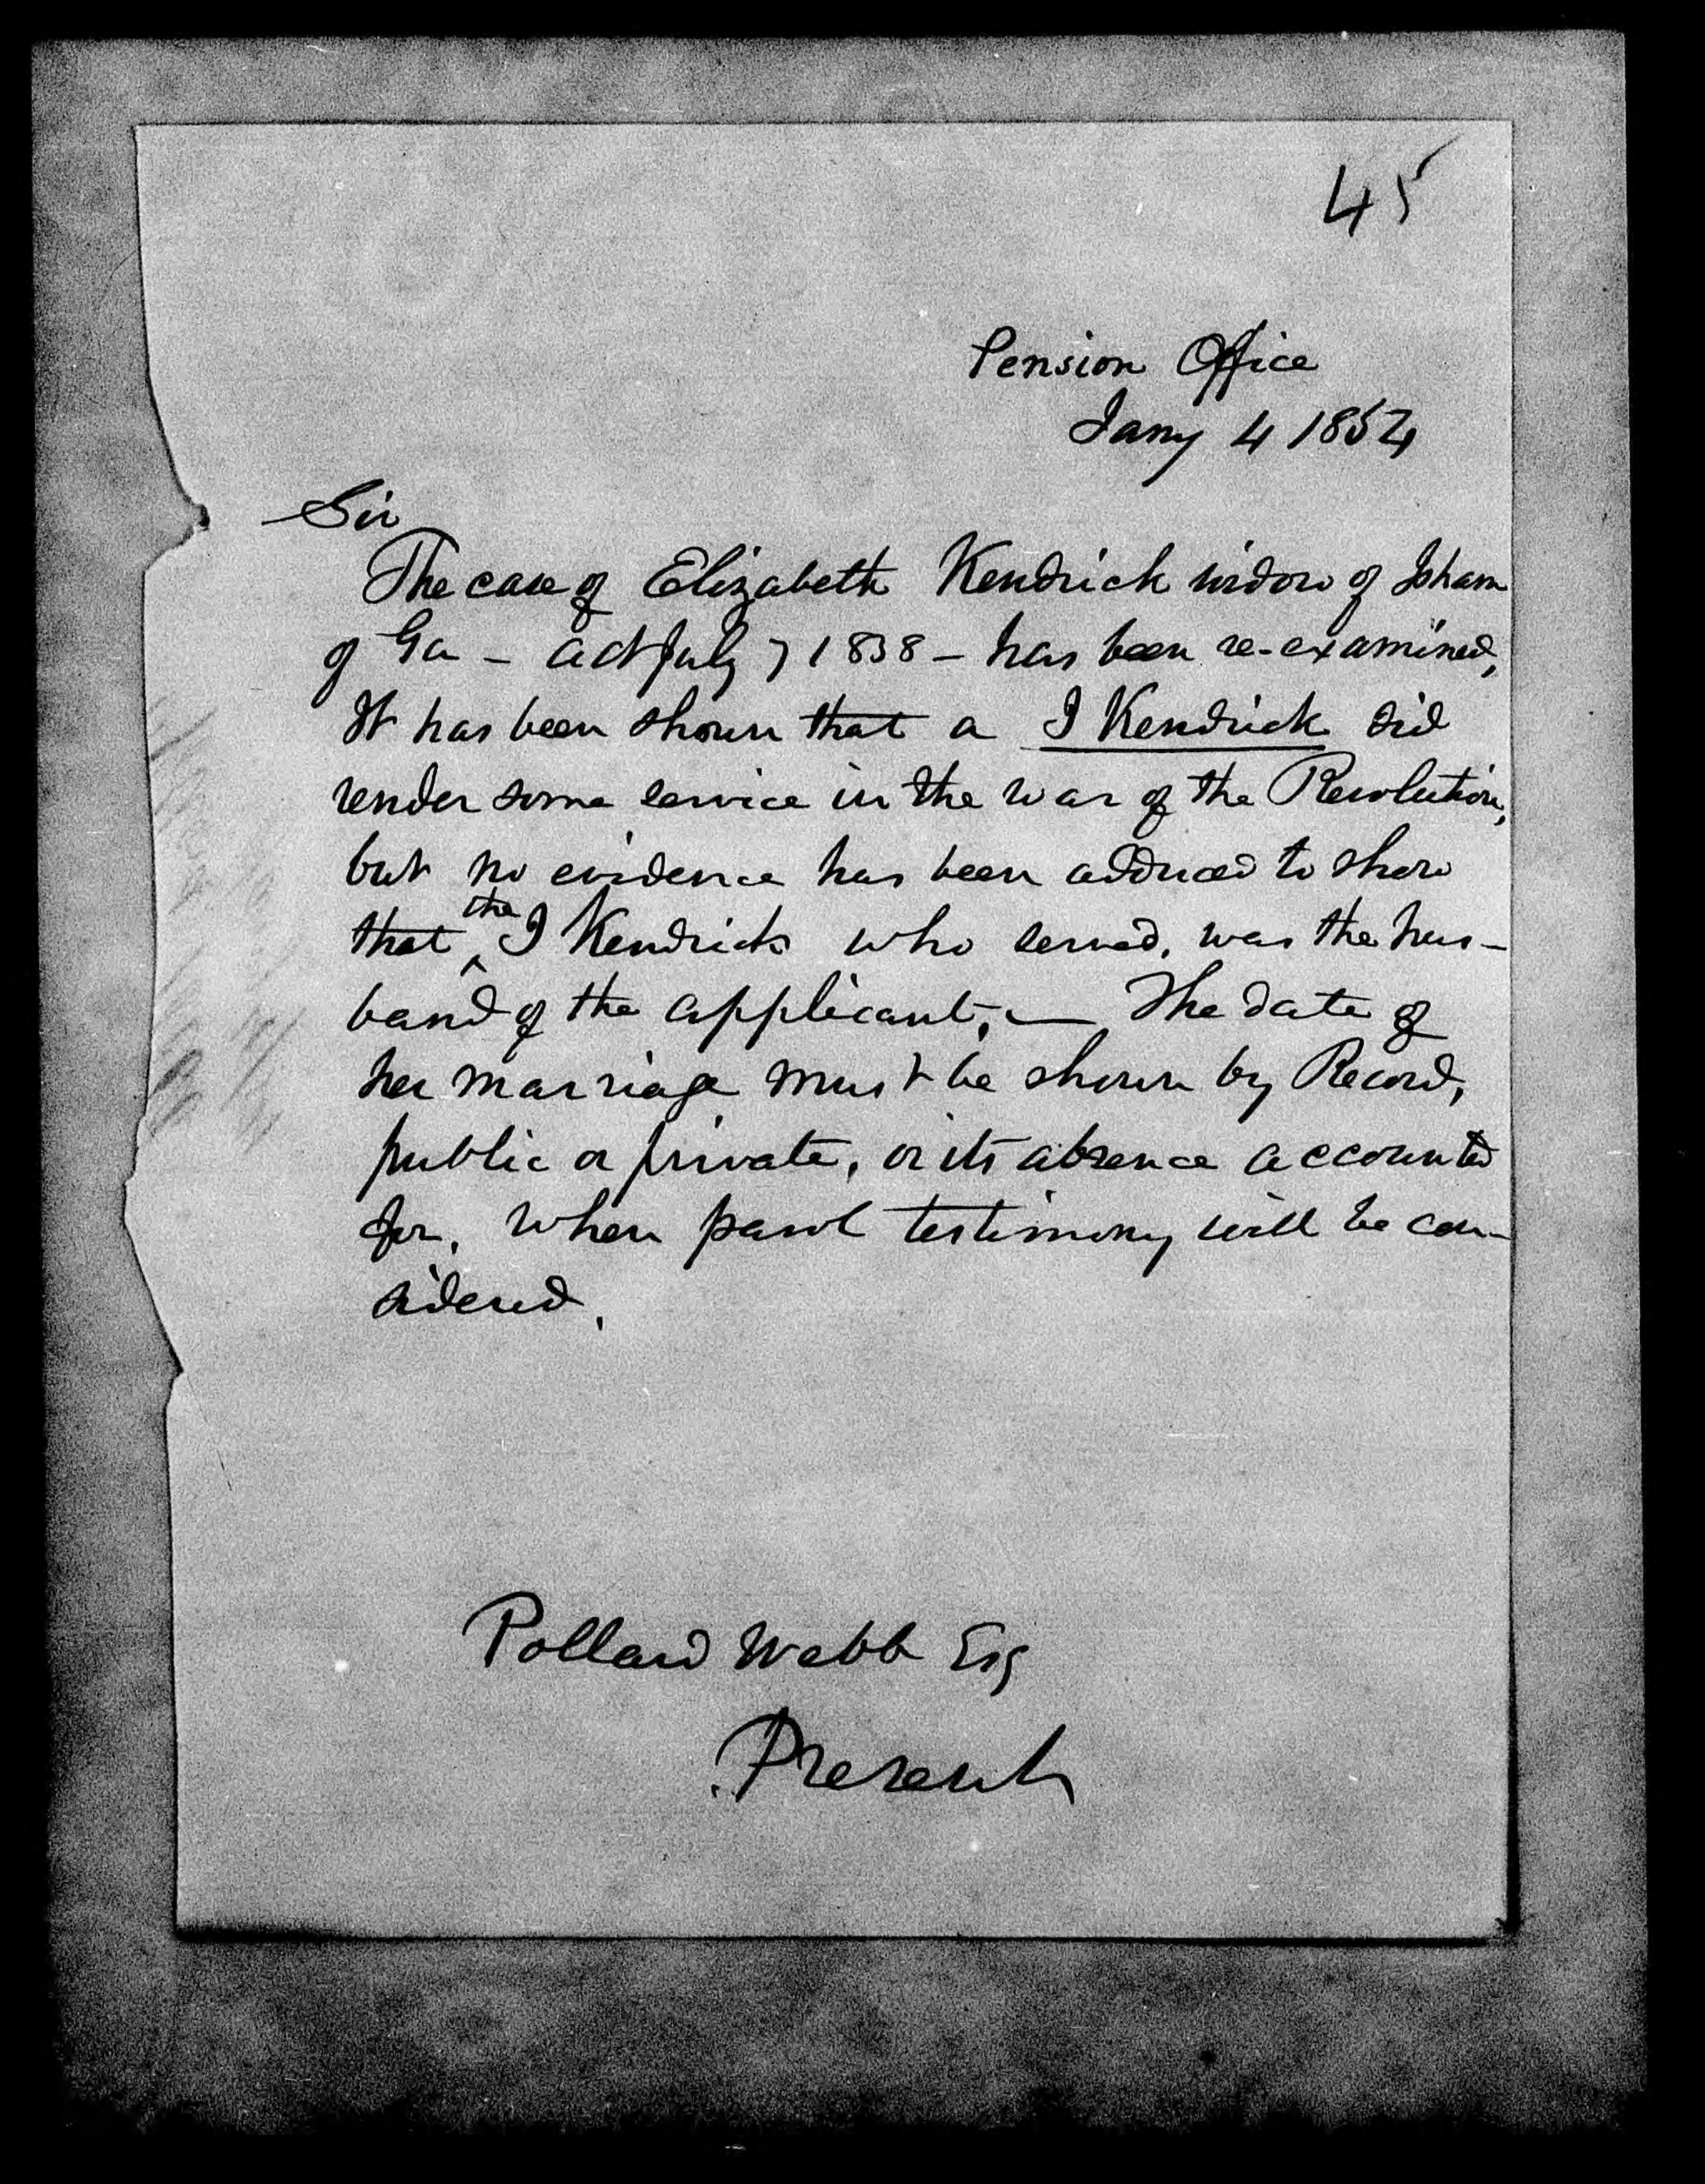45

Pension Office
Jany 4 1854

Sir

The case of Elizabeth Kendrick widow of Isham
of Ga - Act July 7 1838 - has been re-examined.
It has been shown that a I Kendrick did
render some service in the War of the Revolution, 
but no evidence has been adduced to show
that the I Kendrick who served was the husband 
of the applicant. - The date of 
her marriage must be shown by Record,
public a private, or its absence accounted
for, when parol testimony will be 
considered.

Pollard Webb Esq
Present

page: 15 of 29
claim: rejected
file: R. 5862, for Isham Kendrick, North Carolina